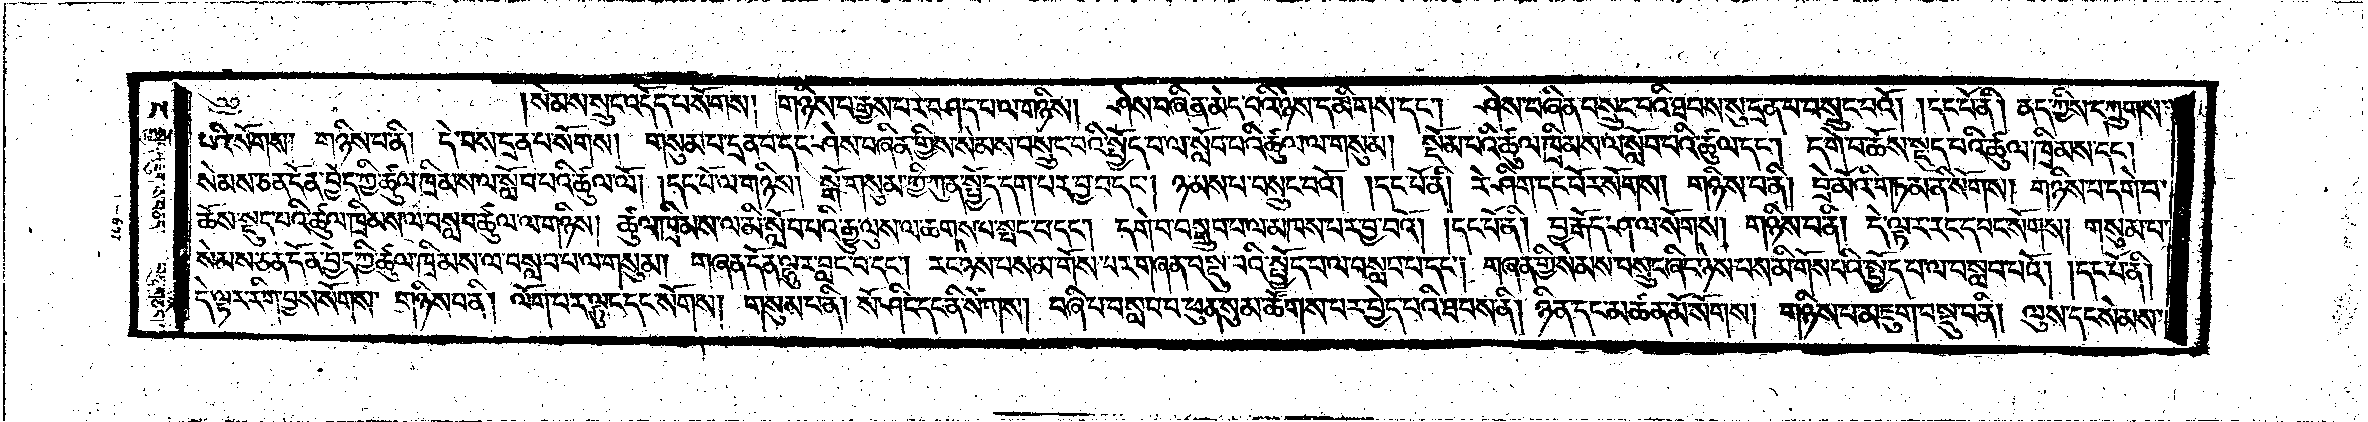༄༅། །སེམས་སྲུང་འདོད་པ་སོགས། གཉིས་པ་རྒྱས་པར་བཤད་པ་ལ་གཉིས། ཤེས་བཞིན་མེད་པའི་ཉེས་དམིགས་དང་། ཤེས་བཞིན་བསྲུང་བའི་ཐབས་སུ་དྲན་པ་བསྲུང་བའོ། །དང་པོ་ནི། ནད་ཀྱིས་དཀྲུགས་
པའི་སོགས། གཉིས་པ་ནི། དེ་བས་དྲན་པ་སོགས། གསུམ་པ་དྲན་པ་དང་ཤེས་བཞིན་གྱིས་སེམས་བསྲུང་བའི་སྤྱོད་པ་ལ་སློབ་པའི་ཚུལ་ལ་གསུམ། སྡོམ་པའི་ཚུལ་ཁྲིམས་ལ་སློབ་པའི་ཚུལ་དང་། དགེ་བ་ཆོས་སྡུད་པའི་ཚུལ་ཁྲིམས་དང་།
སེམས་ཅན་དོན་བྱེད་ཀྱི་ཚུལ་ཁྲིམས་ལ་སློབ་པའི་ཚུལ་ལོ། །དང་པོ་ལ་གཉིས། སྒོ་གསུམ་གྱི་ཀུན་སྤྱོད་དག་པར་བྱ་བ་དང་། ཉམས་པ་བསྲུང་བའོ། །དང་པོ་ནི། རེ་ཤིག་དང་པོར་སོགས། གཉིས་པ་ནི། བྲེ་མོའི་གཏམ་ནི་སོགས། གཉིས་པ་དགེ་བ་
ཆོས་སྡུད་པའི་ཚུལ་ཁྲིམས་ལ་བསླབ་ཚུལ་ལ་གཉིས། ཚུལ་ཁྲིམས་ལ་མི་སློབ་པའི་རྒྱུ་ལུས་ལ་ཆགས་པ་སྤང་བ་དང་། དགེ་བ་བསྒྲུབ་པ་ལ་མཁས་པར་བྱ་བའོ། །དང་པོ་ནི། བྱ་རྒོད་ཤ་ལ་སོགས། གཉིས་པ་ནི། དེ་ལྟར་རང་དབང་སོགས། གསུམ་པ་
སེམས་ཅན་དོན་བྱེད་ཀྱི་ཚུལ་ཁྲིམས་ལ་བསླབ་པ་ལ་གསུམ། གཞན་དོན་ལྷུར་བླང་བ་དང་། རང་ཉེས་པས་མ་གོས་པར་གཞན་བསྡུ་བའི་སྤྱོད་པ་ལ་བསླབ་པ་དང་། གཞན་གྱི་སེམས་བསྲུང་ཞིང་ཉེས་པས་མི་གོས་པའི་སྤྱོད་པ་ལ་བསླབ་པའོ། །དང་པོ་ནི།
དེ་ལྟར་རིག་བྱས་སོགས་གཉིས་པ་ནི། ལོག་པར་ལྟུང་དང་སོགས། གསུམ་པ་ནི། སོ་ཤིང་དང་ནི་སོགས། བཞི་པ་བསླབ་པ་ཕུན་སུམ་ཚོགས་པར་བྱེད་པའི་ཐབས་ནི། ཉིན་དང་མཚན་མོ་སོགས། གཉིས་པ་མཇུག་བསྡུ་བ་ནི། ལུས་དང་སེམས་